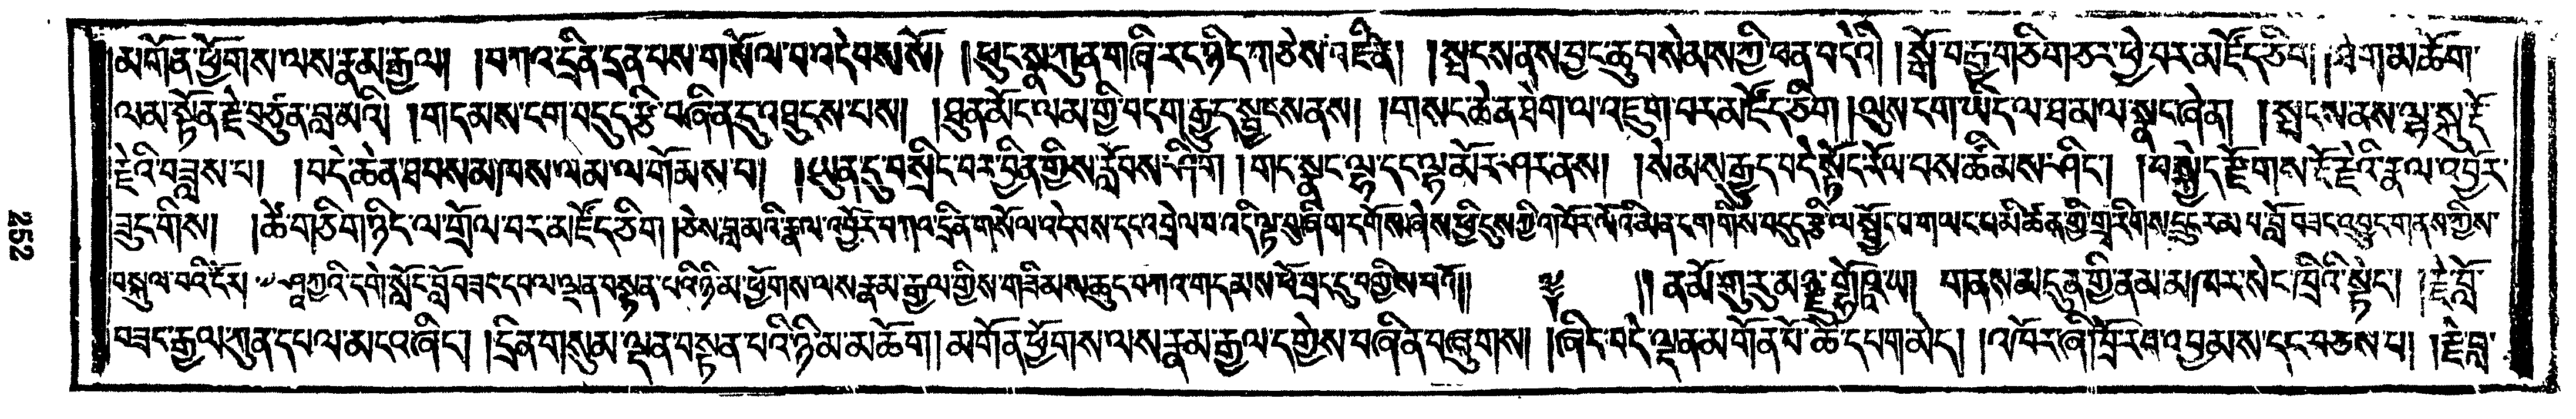མགོན་ཕྱོགས་ལས་རྣམ་རྒྱལ། །བཀའ་དྲིན་དྲན་པས་གསོལ་བ་འདེབས་སོ། །ཕུང་སྣ་ཀུན་གཞི་རང་ཉིད་གཅེས་འཛིན། །སྤངས་ནས་བྱང་ཆུབ་སེམས་ཀྱི་ཕན་བདེའི། །སྒོ་བརྒྱ་གཅིག་ཅར་ཕྱེ་བར་མཛོད་ཅིག །ཐེག་མཆོག་
ལམ་སྟོན་རྗེ་བཙུན་བླ་མའི། །གདམས་ངག་བདུད་རྩི་བཞིན་དུ་འཐུངས་པས། །ཐུན་མོང་ལམ་གྱི་བདག་རྒྱུད་སྦྱངས་ནས། །གསང་ཆེན་ཐེག་ལ་འཇུག་པར་མཛོད་ཅིག །ལུས་ངག་ཡིད་ལ་ཐ་མལ་སྣང་ཞེན། །སྤངས་ནས་ལྷ་སྐུ་རྡོ་
རྗེའི་བཟླས་པ། །བདེ་ཆེན་ཐབས་མཁས་ལ་མ་ལ་གོམས་པ། །ཡུན་དུ་བསྲིང་བར་བྱིན་གྱིས་རློབས་ཤིག །གང་སྣང་ལྷ་དང་ལྷ་མོར་ཤར་ནས། །སེམས་རྒྱུད་བདེ་སྟོང་རོལ་པས་ཚིམས་ཤིང་། །བསྐྱེད་རྫོགས་རྡོ་རྗེའི་རྣལ་འབྱོར་
ཟུང་གིས། །ཚེ་གཅིག་ཉིད་ལ་གྲོལ་བར་མཛོད་ཅིག །ཅེས་བླ་མའི་རྣལ་འབྱོར་བཀའ་དྲིན་གསོལ་འདེབས་དང་འབྲེལ་བ་འདི་ལྟ་བུ་ཞིག་དགོས་ཞེས་ཕྱི་དུས་ཀྱི་འཁོར་ལོའི་མན་ངག་གིས་བདུད་རྩི་ལ་སྦྱོང་བ་གཡང་བ་མི་ཚན་གྱི་གྲྭ་རིགས་དྲུང་རམ་པ་བློ་བཟང་འབྱུང་གནས་ཀྱིས་
བསྐུལ་བའི་ངོར། ༧་ཤཱཀྱའི་དགེ་སློང་བློ་བཟང་དཔལ་ལྡན་བསྟན་པའི་ཉི་མ་ཕྱོགས་ལས་རྣམ་རྒྱལ་གྱིས་གཟིམས་ཆུང་བཀའ་གདམས་ཕོ་བྲང་དུ་བགྱིས་པའོ།། ༈ །།ན་མོ་གུ་རུ་མཉྫུ་གྷོཥཱ་ཡ། གནས་མདུན་གྱི་ནམ་མཁར་སེང་ཁྲིའི་སྟེང་། །རྗེ་བློ་
བཟང་རྒྱལ་ཀུན་དཔལ་མངའ་ཞིང་། །དྲིན་གསུམ་ལྡན་བསྟན་པའི་ཉི་མ་མཆོག། མགོན་ཕྱོགས་ལས་རྣམ་རྒྱལ་དགྱེས་བཞིན་བཞུགས། །ཞིང་བདེ་ལྡན་མགོན་པོ་ཆེ་དཔག་མེད། །འཁོར་ཞི་ཁྲོ་རབ་འབྱམས་དང་བཅས་པ། །རྗེ་བླ་